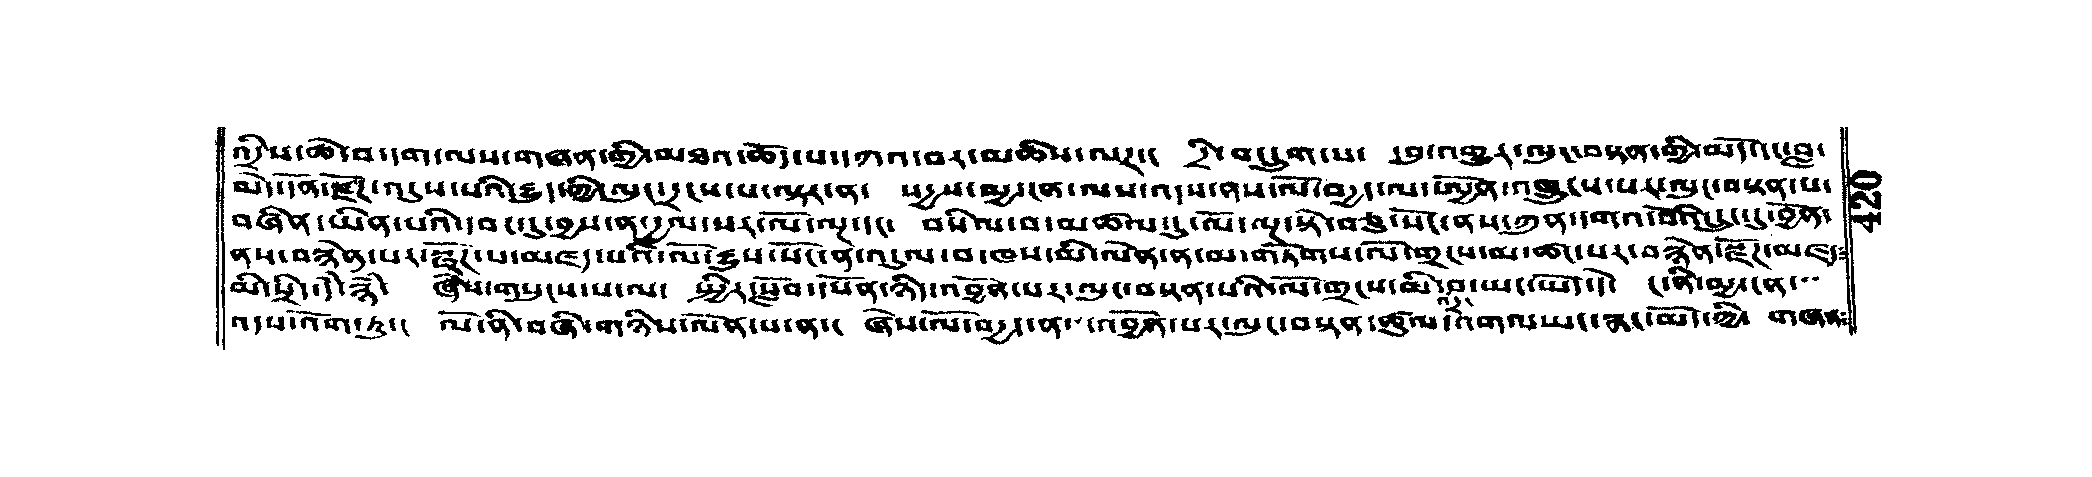འདྲིས་ཆེ་བ་དག་ལས་གཞན་གྱི་མཐའ་ཆོད་པ་དཀའ་བར་མཆིས་ལགས། དྲི་བ་དྲུག་པ། དབུས་འགྱུར་ལུང་བསྟན་གྱི་མདོ་དང་བླ་
མེད་དོན་རྫོགས་འདུས་པའི་རྒྱུད་ཀྱི་ལུང་དྲངས་པ་ལྟར་ན། སངས་རྒྱས་མྱ་ངན་ལས་འདས་ནས་ལོ་བརྒྱད་ལ་ཨོ་རྒྱན་འཁྲུངས་པར་ལུང་བསྟན་པ་
བཞིན་ཡིན་པའི་དབང་དུ་བྱས་ན་རྒྱལ་སར་ལོ་ལྔ་དང་། བསིལ་བ་ཚལ་དུ་ལོ་ལྔ་སྟེ་བཅུ་སོང་ནས་ཀུན་དགའ་བོའི་དྲུང་དུ་བྱོན་
ནས་བསྙེན་པར་རྫོགས་པ་མཛད་པའི་ལོ་རྒྱུས་སོགས་ན་འདུལ་བ་ཁས་མི་ལེན་ན་མ་གཏོགས་ལོ་གྲངས་མ་ཚང་པར་བསྙེན་རྫོགས་མཛད་
མི་སྲིད་དམ་སྙམ། ཞེས་གསུངས་པ་ལ། སྤྱིར་སློབ་དཔོན་ཉིད་འབྱོན་པར་ལུང་བསྟན་པའི་ལོ་གྲངས་མི་འདྲ་བ་ཡང་ཡོད་དེ། ང་ནི་མྱ་ངན་
འདས་འོག་ཏུ། །ལོ་ནི་བཞི་གཉིས་ལོན་པ་ན། ཞེས་ལོ་བརྒྱད་ན་འབྱོན་པར་ལུང་བསྟན་ཚུལ་འགལ་ཡང་སྣང་མོད་ཀྱི།གཞན་